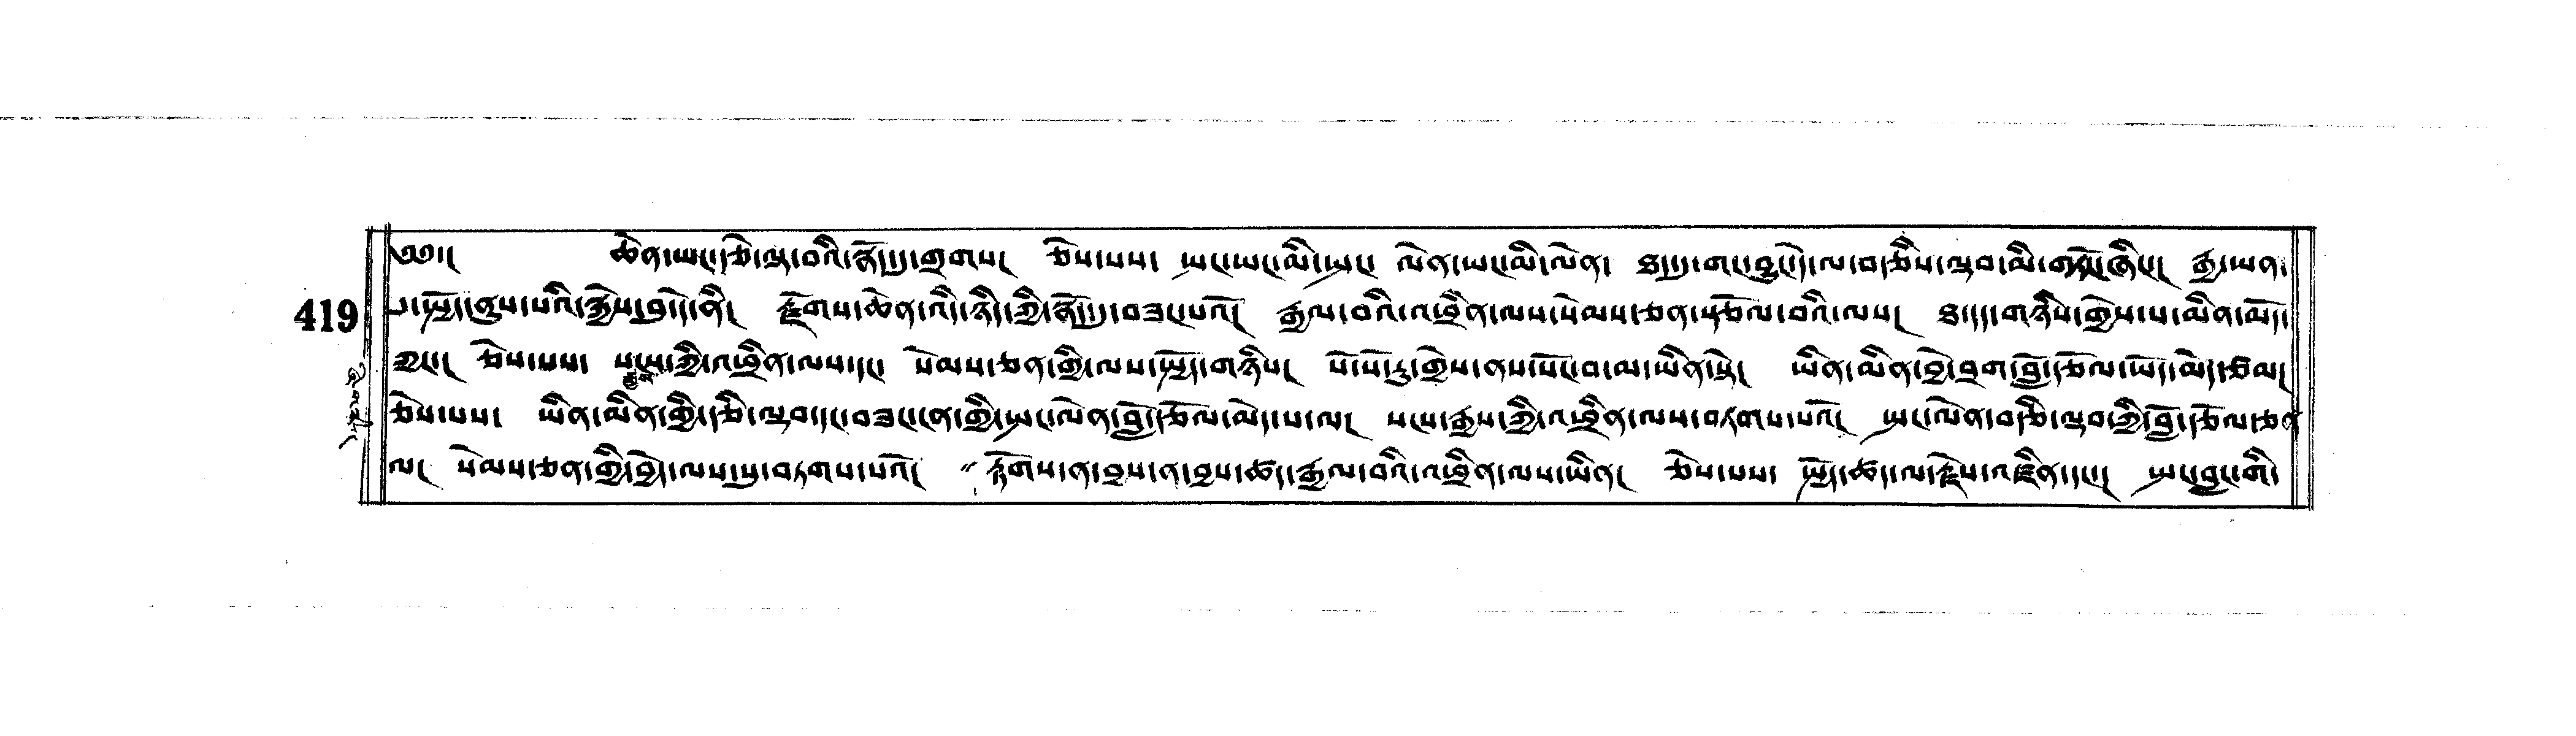ཆེན་ཡང་རྩེ་ལྟ་བའི་སྣོད་དུ་གྲགས། ཅེས་པས། སྤང་ཡང་མི་སྤང་། ལེན་ཡང་མི་ལེན། ཐད་དུ་གང་བྱུང་དེ་ལ་རྩིས་གདབ་མི་གཏོང་ཞིང་། རྒྱ་ཡན་
དུ་སྤྱོད་ནུས་པའི་སྐྱེས་བུ་དེ་ནི། རྫོགས་ཆེན་འདི་ཉིད་ཀྱི་སྣོད་དུ་བཟང་བའོ། རྒྱལ་བའི་འཕྲིན་ལས་སེམས་ཅན་རྩོལ་བའི་ལས། ཐ་དད་གཉིས་གྱེས་པ་མིན་མོད་
ཀྱང་། ཅེས་པས། སངས་རྒྱས་ཀྱི་འཕྲིན་ལས་དང་། སེམས་ཅན་གྱི་ལས་སྤྱོད་གཉིས། སོ་སོ་རུ་གྱེས་ནས་སོང་བ་མ་ཡིན་ཏེ། ཡིན་མིན་བྱེ་བྲག་བློ་རྩོལ་ཡོད་མེད་ཙམ། 
ཅེས་པས། ཡིན་མིན་གྱི་རྩི་ལྡབ་དང་བཟང་ངན་གྱི་སྤང་ལེན་བློ་རྩོལ་མེད་པ་
ལ། སེམས་ཅན་གྱི་བྱེད་ལས་སུ་བཏགས་པའོ། རྟོགས་ན་བྱས་ན་བྱས་ཚད་རྒྱལ་བའི་འཕྲིན་ལས་ཡིན། ཅེས་པས་སྤྱོད་ཚད་ལ་རྗེས་འཛིན་དང་། སྤང་བླང་གི་